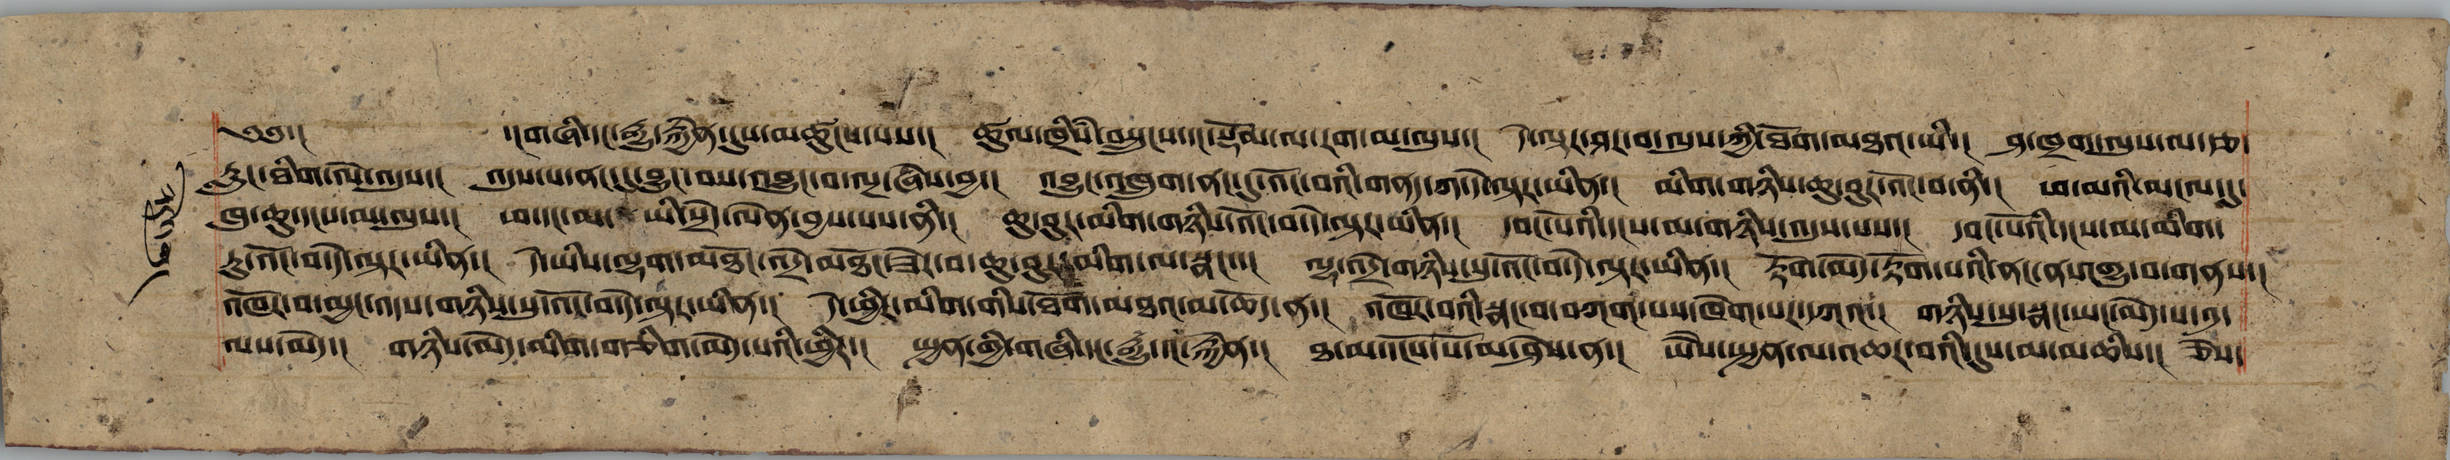༄༅་། ་།གཞི་དང་རྒྱུ་རྐྱེན་དུས་མཚུངས་པས་། ཚུལ་ཁྲིཾས་བསྲུངས་དང་སྡོམ་ལ་རག་མ་ལུས་། དེ་ལྟར་ཤར་བ་ལུས་ཀྱི་ཐོག་མཐའ་ཡི་། ཤ་ཁྲག་ལུས་ལ་རྩ་
རླུང་ཐིག་ལེ་འདུས་། འདུས་པ་ནང་དུ་བྱུང་བས་འབྱུང་བ་ལྔ་ཞེས་བྱ་། འབྱུང་འཁྲུག་ནང་དུ་འོང་བའི་གནད་ཀ་དེ་ལྟར་ཡིན་། མིག་གཉིས་ཆུ་བུར་འོང་བ་ནི་། ཕ་མའི་མངལ་དུ་
ཁུ་ཆུ་དངས་མ་ལུས་། ཕ་དང་མ་ཡི་སྲེད་ལེན་བྱས་པས་ནི་། ཆུ་བུར་མིག་གཉིས་འོང་བ་དེ་ལྟར་མིན་། དབང་པོའི་དངས་མ་གཉིས་འདུས་པས་། དབང་པོའི་དངས་མ་མིག་
ཏུ་འོང་བ་དེ་ལྟར་ཡིན་། དེ་ཡིས་ལྷག་མཐོང་འདྲེ་མཐོང་ཟེར་བ་ཆུ་བུར་མིག་ལ་སྣང་་། ལྷ་འདྲེ་གཉིས་སུ་འོང་བ་དེ་ལྟར་ཡིན་། རྟོག་མེད་རྟོག་པའི་ནང་ནས་གྱུ་བ་གནས་།
འཁོར་བ་མྱང་འདས་གཉིས་སུ་འོང་བ་དེ་ལྟར་ཡིན་། དེ་ཕྱིར་མིག་གིས་ཐོག་མཐའ་མ་ཆོད་ན་། འཁོར་བའི་སྣང་བ་བཀའ་པས་ཁེག་པར་དཀའ་། གཉིས་སུ་སྣང་ཡང་མེད་པ་༡་
ལས་མེད་། གཉིས་མེད་མིག་གཅིག་མེད་པའི་ཕྱིར་། སྤྱན་གྱི་གཞི་དང་རྒྱུ་དང་རྐྱེན་། ཐ་མ་དངོས་པོ་མ་ཤེས་ན་། ཡཻས་སྤྱན་ལ་འཆར་བའི་དུས་མ་མཆིས་། ཅེས་